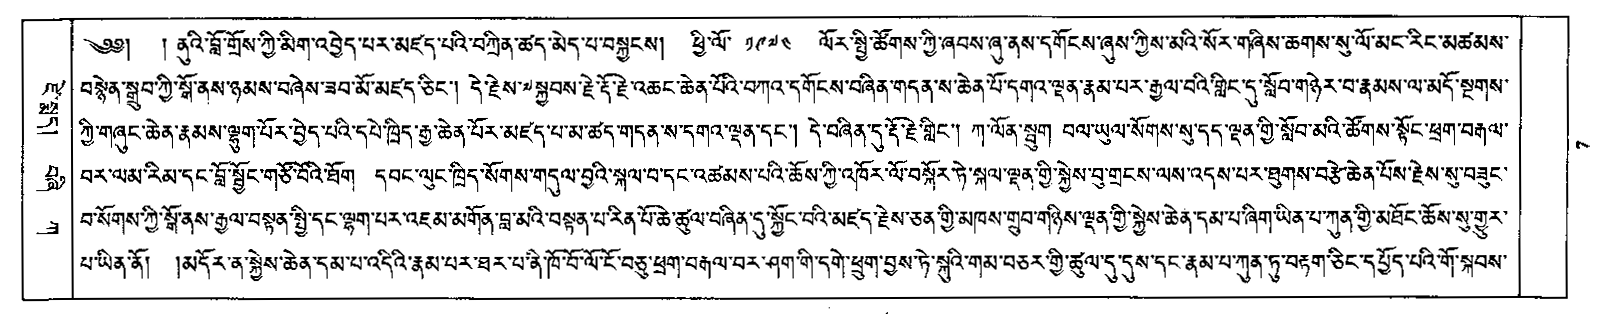༄༅། །ནུའི་བློ་གྲོས་ཀྱི་མིག་འབྱེད་པར་མཛད་པའི་བཀྲིན་ཚད་མེད་པ་བསྐྱངས། ཕྱི་ལོ ༡༩༧༤་ལོར་སྤྱི་ཚོགས་ཀྱི་ཞབས་ཞུ་ནས་དགོངས་ཞུས་ཀྱིས་མའི་སོར་གཞིས་ཆགས་སུ་ལོ་མང་རིང་མཚམས་
བསྙེན་སྒྲུབ་ཀྱི་སྒོ་ནས་ཉམས་བཞེས་ཟབ་མོ་མཛད་ཅིང་། དེ་རྗེས་༧་སྐྱབས་རྗེ་རྡོ་རྗེ་འཆང་ཆེན་པོའི་བཀའ་དགོངས་བཞིན་གདན་ས་ཆེན་པོ་དགའ་ལྡན་རྣམ་པར་རྒྱལ་བའི་གླིང་དུ་སློབ་གཉེར་བ་རྣམས་ལ་མདོ་སྔགས་
ཀྱི་གཞུང་ཆེན་རྣམས་ལྷུག་པོར་བྱེད་པའི་དཔེ་ཁྲིད་རྒྱ་ཆེན་པོར་མཛད་པ་མ་ཚད་གདན་ས་དགའ་ལྡན་དང་། དེ་བཞིན་དུ་རྡོ་རྗེ་གླིང་། ཀ་ལོན་སྦུག་བལ་ཡུལ་སོགས་སུ་དད་ལྡན་གྱི་སློབ་མའི་ཚོགས་སྟོང་ཕྲག་བརྒལ་
བར་ལམ་རིམ་དང་བློ་སྦྱོང་གཙོ་བོའི་ཐོག་དབང་ལུང་ཁྲིད་སོགས་གདུལ་བྱའི་སྐལ་བ་དང་འཚམས་པའི་ཆོས་ཀྱི་འཁོར་ལོ་བསྐོར་ཏེ་སྐལ་ལྡན་གྱི་སྐྱེས་བུ་གྲངས་ལས་འདས་པར་ཐུགས་བརྩེ་ཆེན་པོས་རྗེས་སུ་བཟུང་
བ་སོགས་ཀྱི་སྒོ་ནས་རྒྱལ་བསྟན་སྤྱི་དང་ལྷག་པར་འཇམ་མགོན་བླ་མའི་བསྟན་པ་རིན་པོ་ཆེ་ཚུལ་བཞིན་དུ་སྐྱོང་བའི་མཛད་རྗེས་ཅན་གྱི་མཁས་གྲུབ་གཉིས་ལྡན་གྱི་སྐྱེས་ཆེན་དམ་པ་ཞིག་ཡིན་པ་ཀུན་གྱི་མཐོང་ཆོས་སུ་གྱུར་
པ་ཡིན་ནོ། །མདོར་ན་སྐྱེས་ཆེན་དམ་པ་འདིའི་རྣམ་པར་ཐར་པ་ནི་ཁོ་བོ་ལོ་ངོ་བཅུ་ཕྲག་བརྒལ་བར་ཤག་གི་དགེ་ཕྲུག་བྱས་ཏེ་སྐུའི་གམ་བཅར་གྱི་ཚུལ་དུ་དུས་དང་རྣམ་པ་ཀུན་ཏུ་བརྟག་ཅིང་དཔྱོད་པའི་གོ་སྐབས་